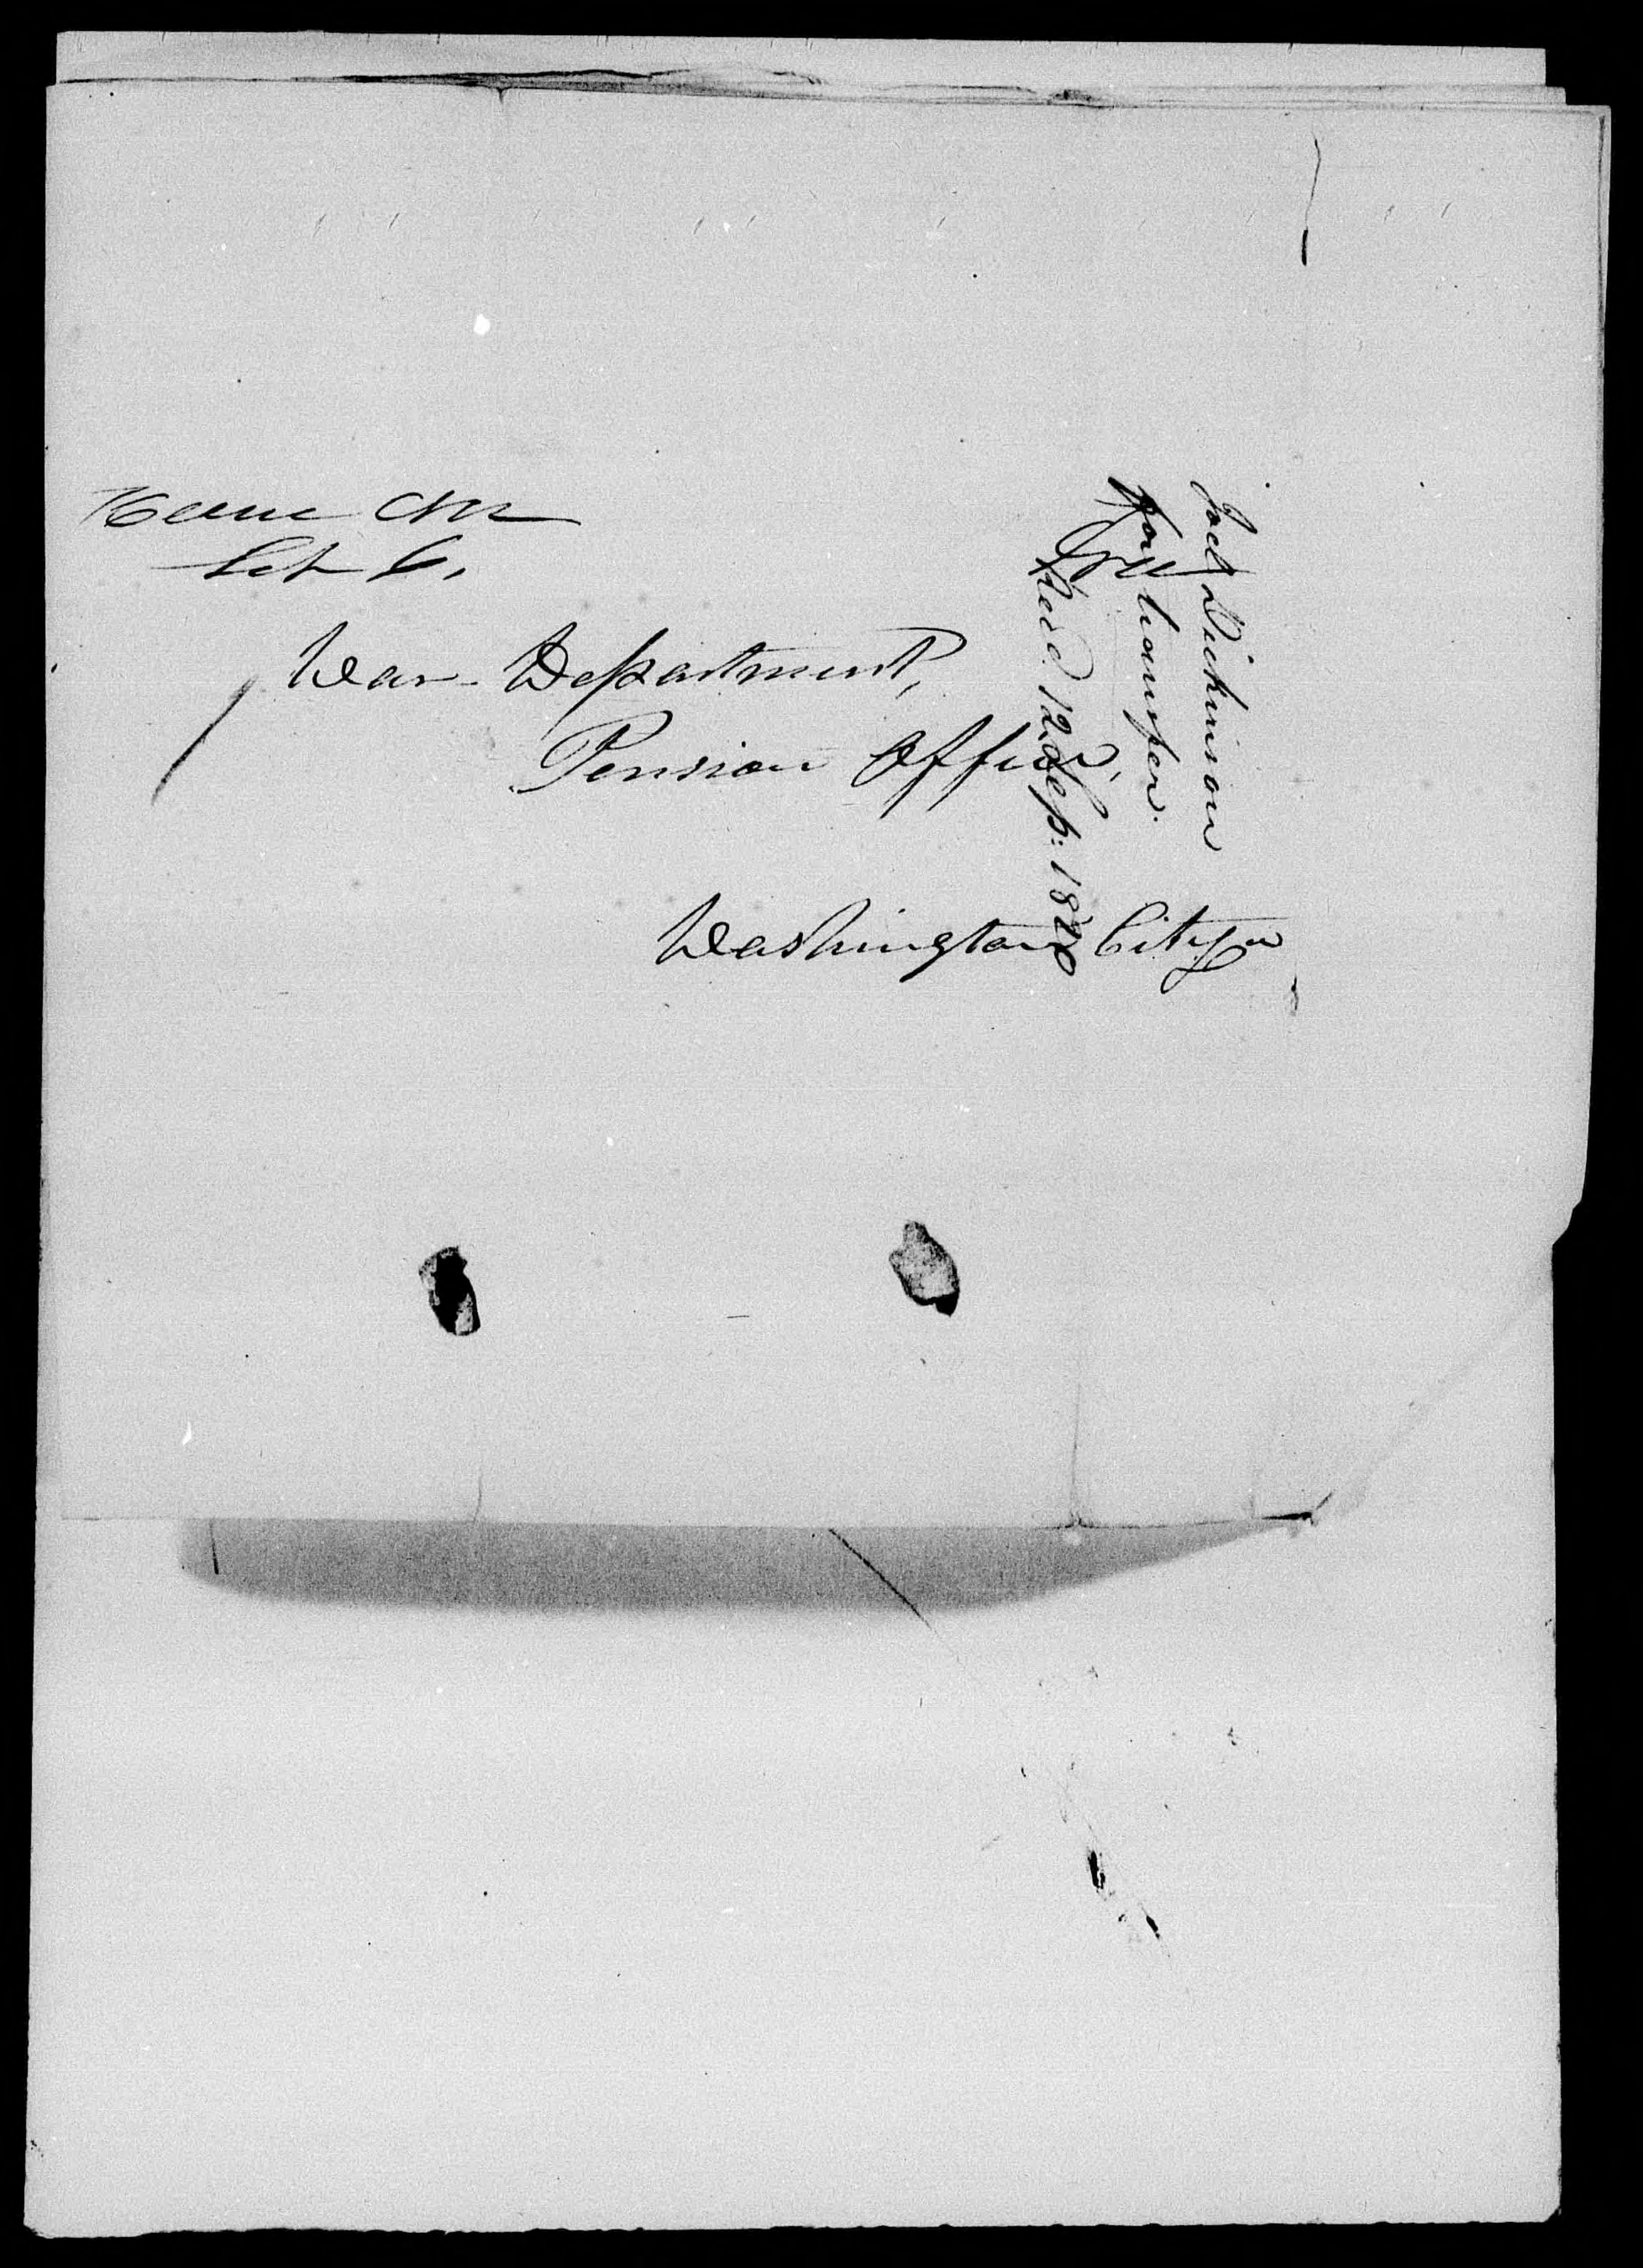Keene New Hampshire
February 6
War department
Pension office
Washington City

Joel Dickinson for transfer
Received 12 September 1820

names: Joel Dickinson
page: 19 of 31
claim: widow's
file: W. 22946, Joel Dickinson, Mass.